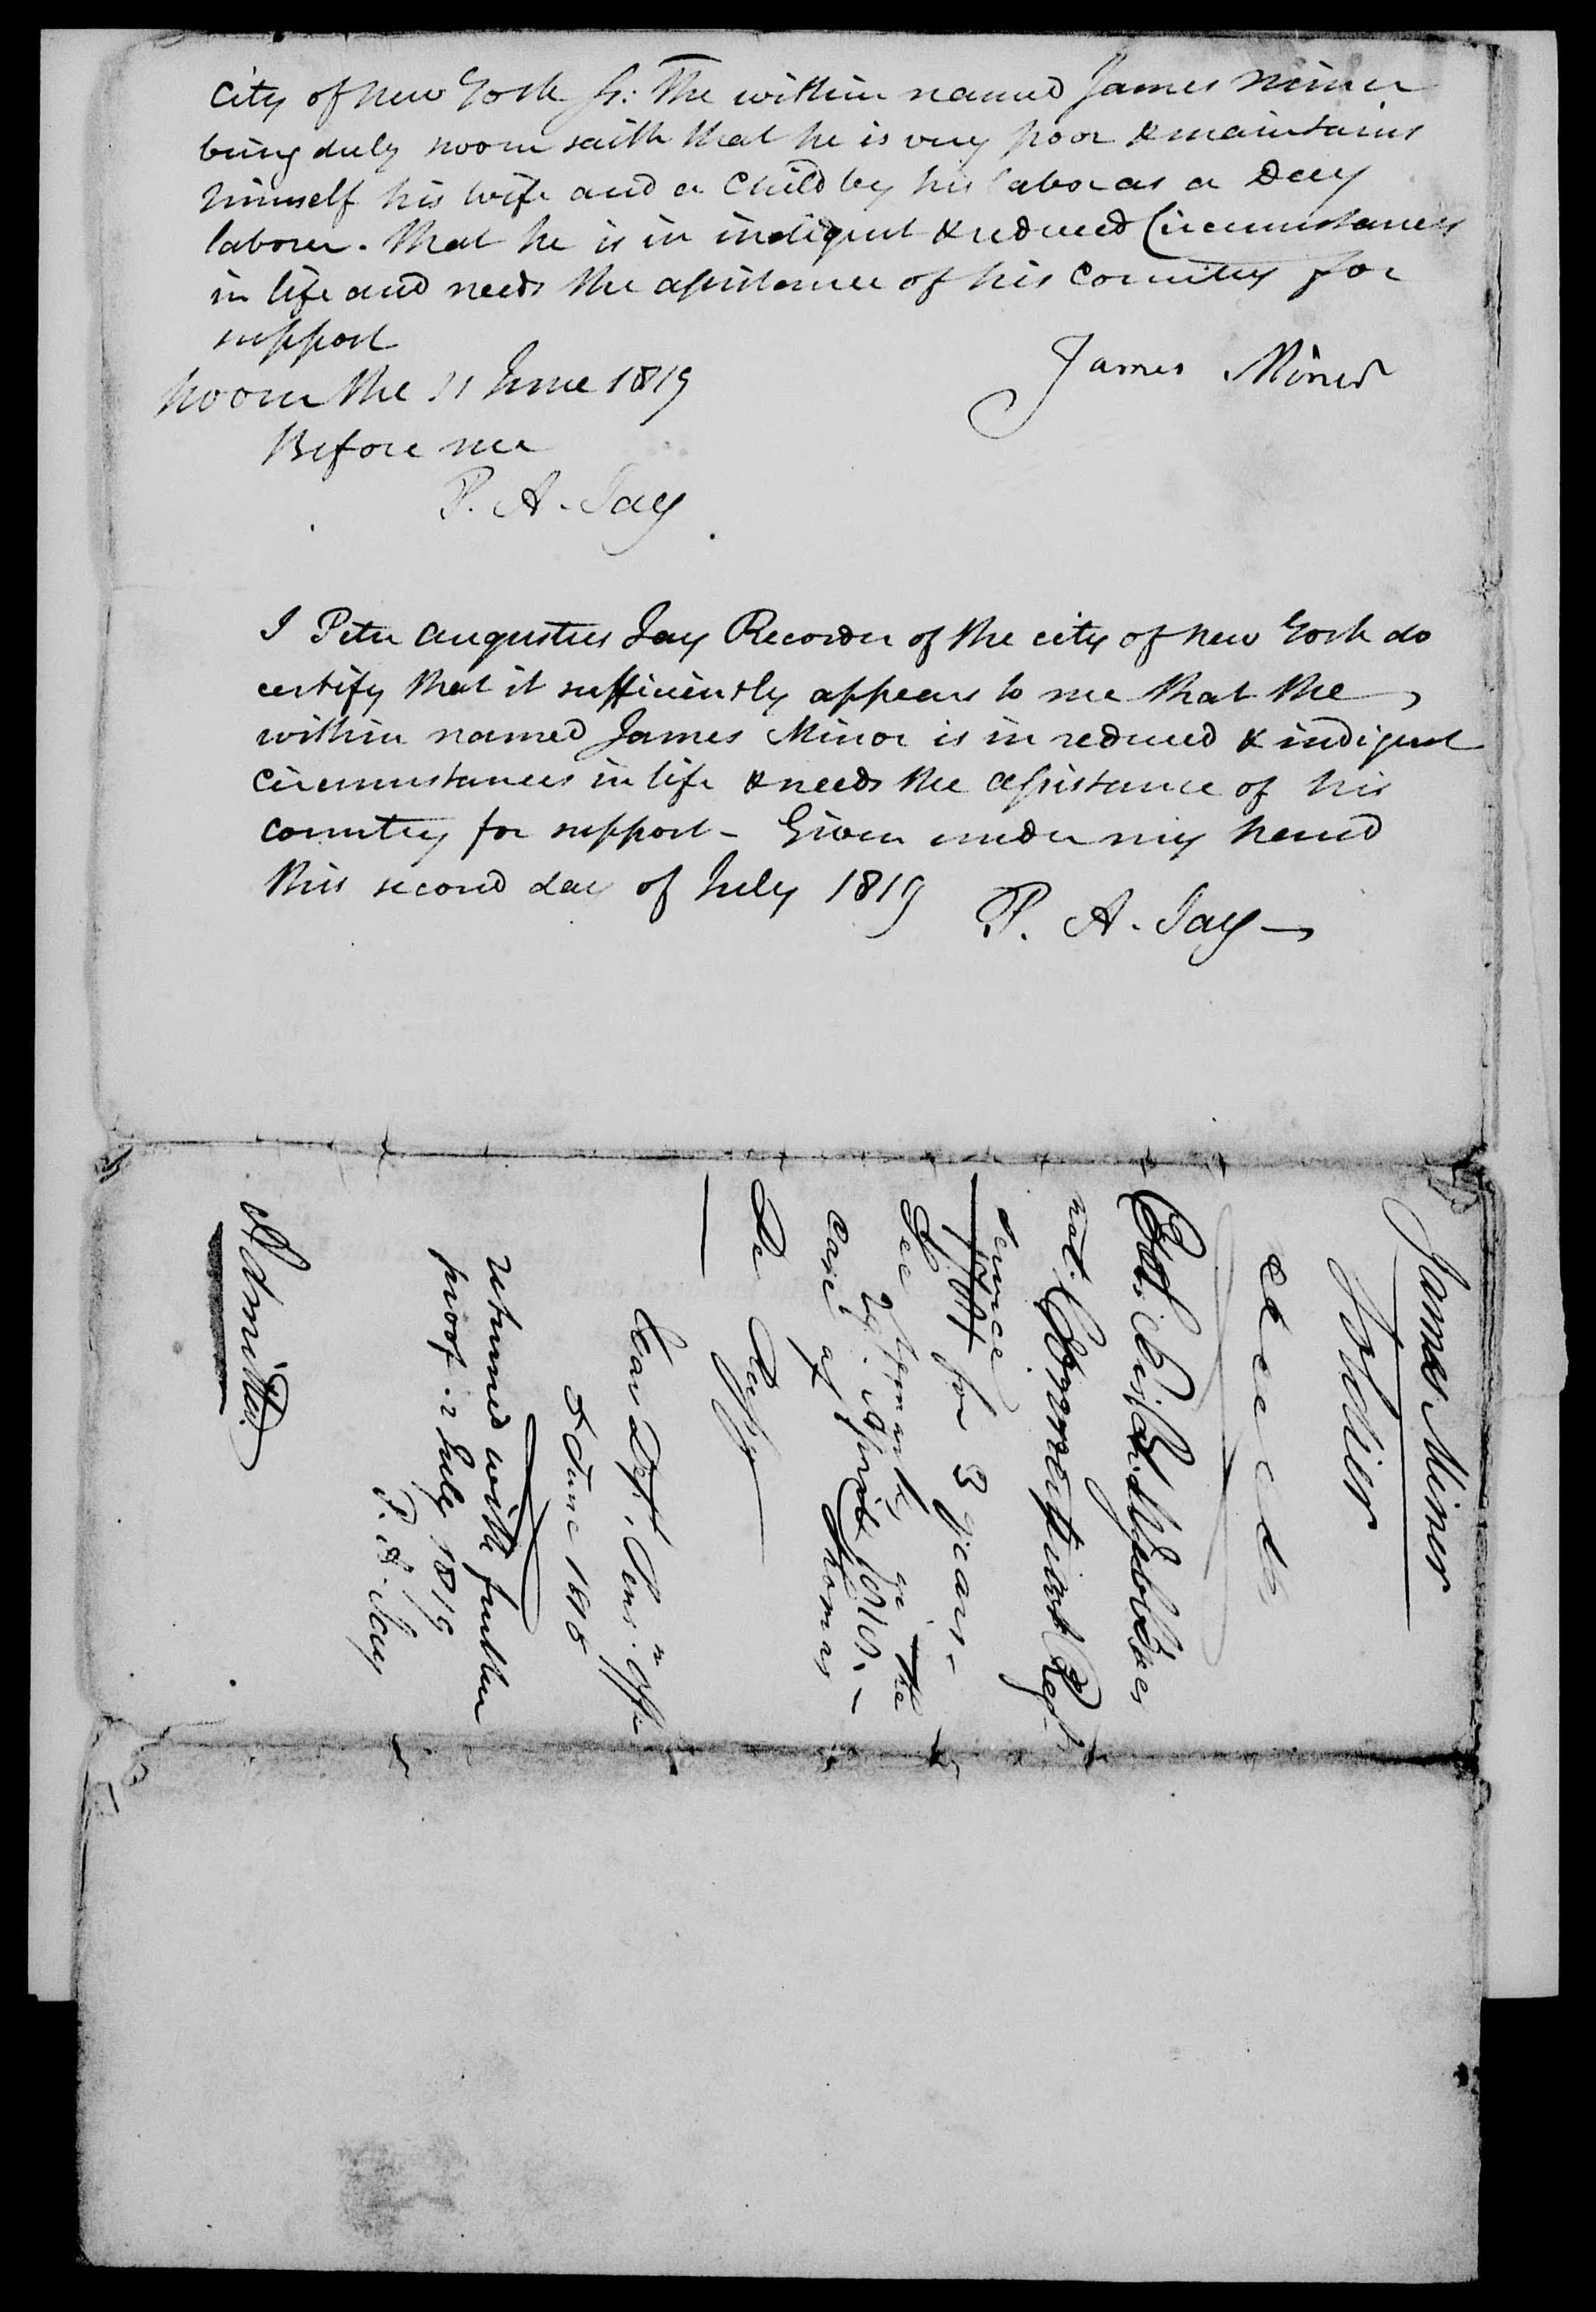City of New York Sr: The within named James Miner being duly sworn saith that he is very poor & maintains himself his wife and a child by his labors a Day laborer. That he is in indigent & reduced circumstances in life and needs the assistance of his country for support 
James Miner
Sworn the 11 June 1819 
Before me 
P. A. Jay 

I Peter Augustus Jay Recorder of the city of New York do certify that it sufficiently appears to me that the within named James Minor is in reduced & indigent circumstances in life & needs the assistance of his country for support - Given under my hand this second day of July 1819 
P. A. Jay 

[statement at bottom of page turned 90 degrees] 
[underlined James Miner] 

Soldier 

[illegible]

Col S B Webb's 
Connecticut Regt 

Service for 3 years. 

See remarks to the 29 April 1818 case of Thomas De Russy 

War Dept. Pens. Office 
5 June 1818 

returned with further proof. 2 July 1819 
P.A. Jay 

Admitted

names: Peter Augustus Jay; Thomas De Russy; R B Webb; James Miner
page: 16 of 39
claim: survivor's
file: S. 23802, for James Miner, Connecticut